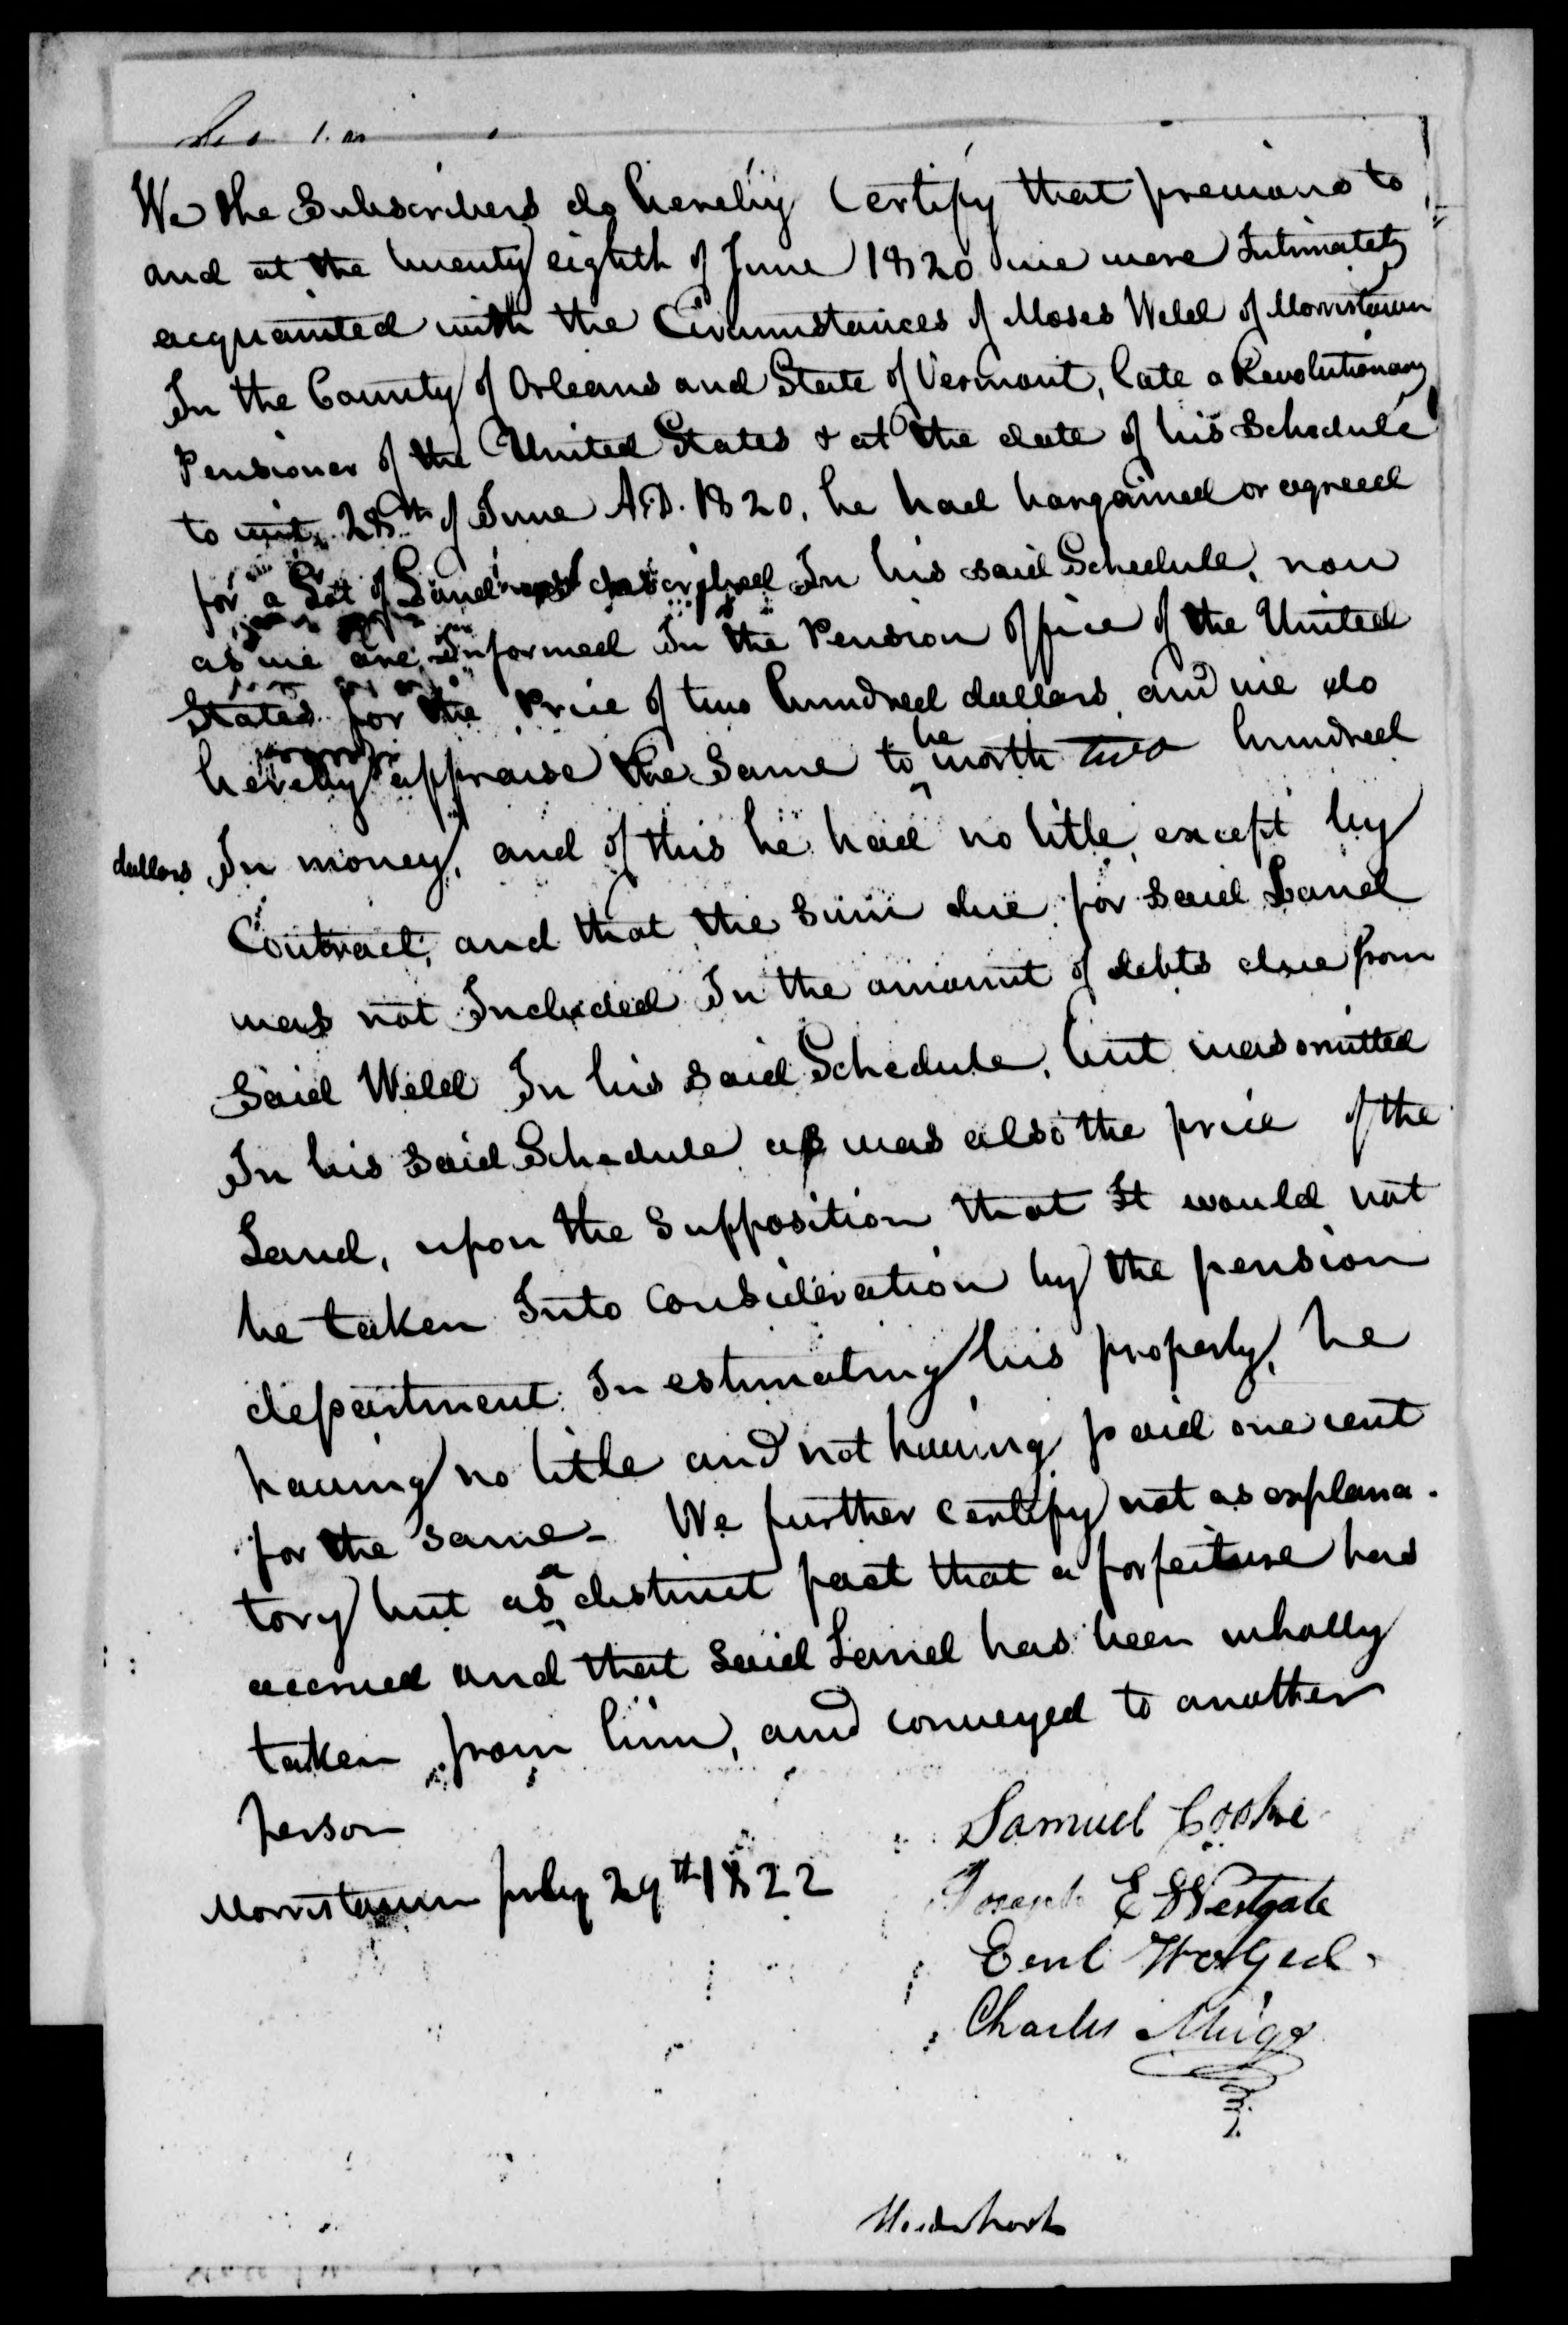We the Subscribers do hereby Certify that previous to and at the twenty eighth of June 1820 we were intimately acquainted with the circumstances of Moses Will of Morristown in
the County of Orleans and State of Vermont, late a Revolutionary Pensioner of the United States & at the date of his schedule to [?]
28th of June AD. 1820, he had bargained or agreed for a [Lot of Land ___ ___]?  In his said schedule, now as we are informed in the Pension Office of the United...for the price of two hundred dollars, and we do hereby
appraise the same to ^be worth two hundred
dollars in money, and of this he had no title, except by Contract, and that the sum due for said Land was not included on the amount
of debts due from said Weld In his said Schedule, but was omitted In his said Schedule [aB]? was also the price of the Land, upon the supposition that it would not be the taken into consideration by the pension department in estimating his property, he having no title and not having paid one cent for the same.  We further certify not as explanatory but as ^a distinct fact that a forfeiture had accrued and that said Land has been wholly taken from him, and conveyed to another person
Morristown July 24 1822
Samuel Cooke
Joseph E Westgate
Earl Westgate,
Charles Meigs
[edit: word cut off on bottom of page, "__whort"]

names: Moses Weld, Samuel Cooke, Joseph E Westgate, Earl Westged, Charles Meigs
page: 60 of 87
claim: widow's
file: W. 25,966, Moses Weld, Mass.